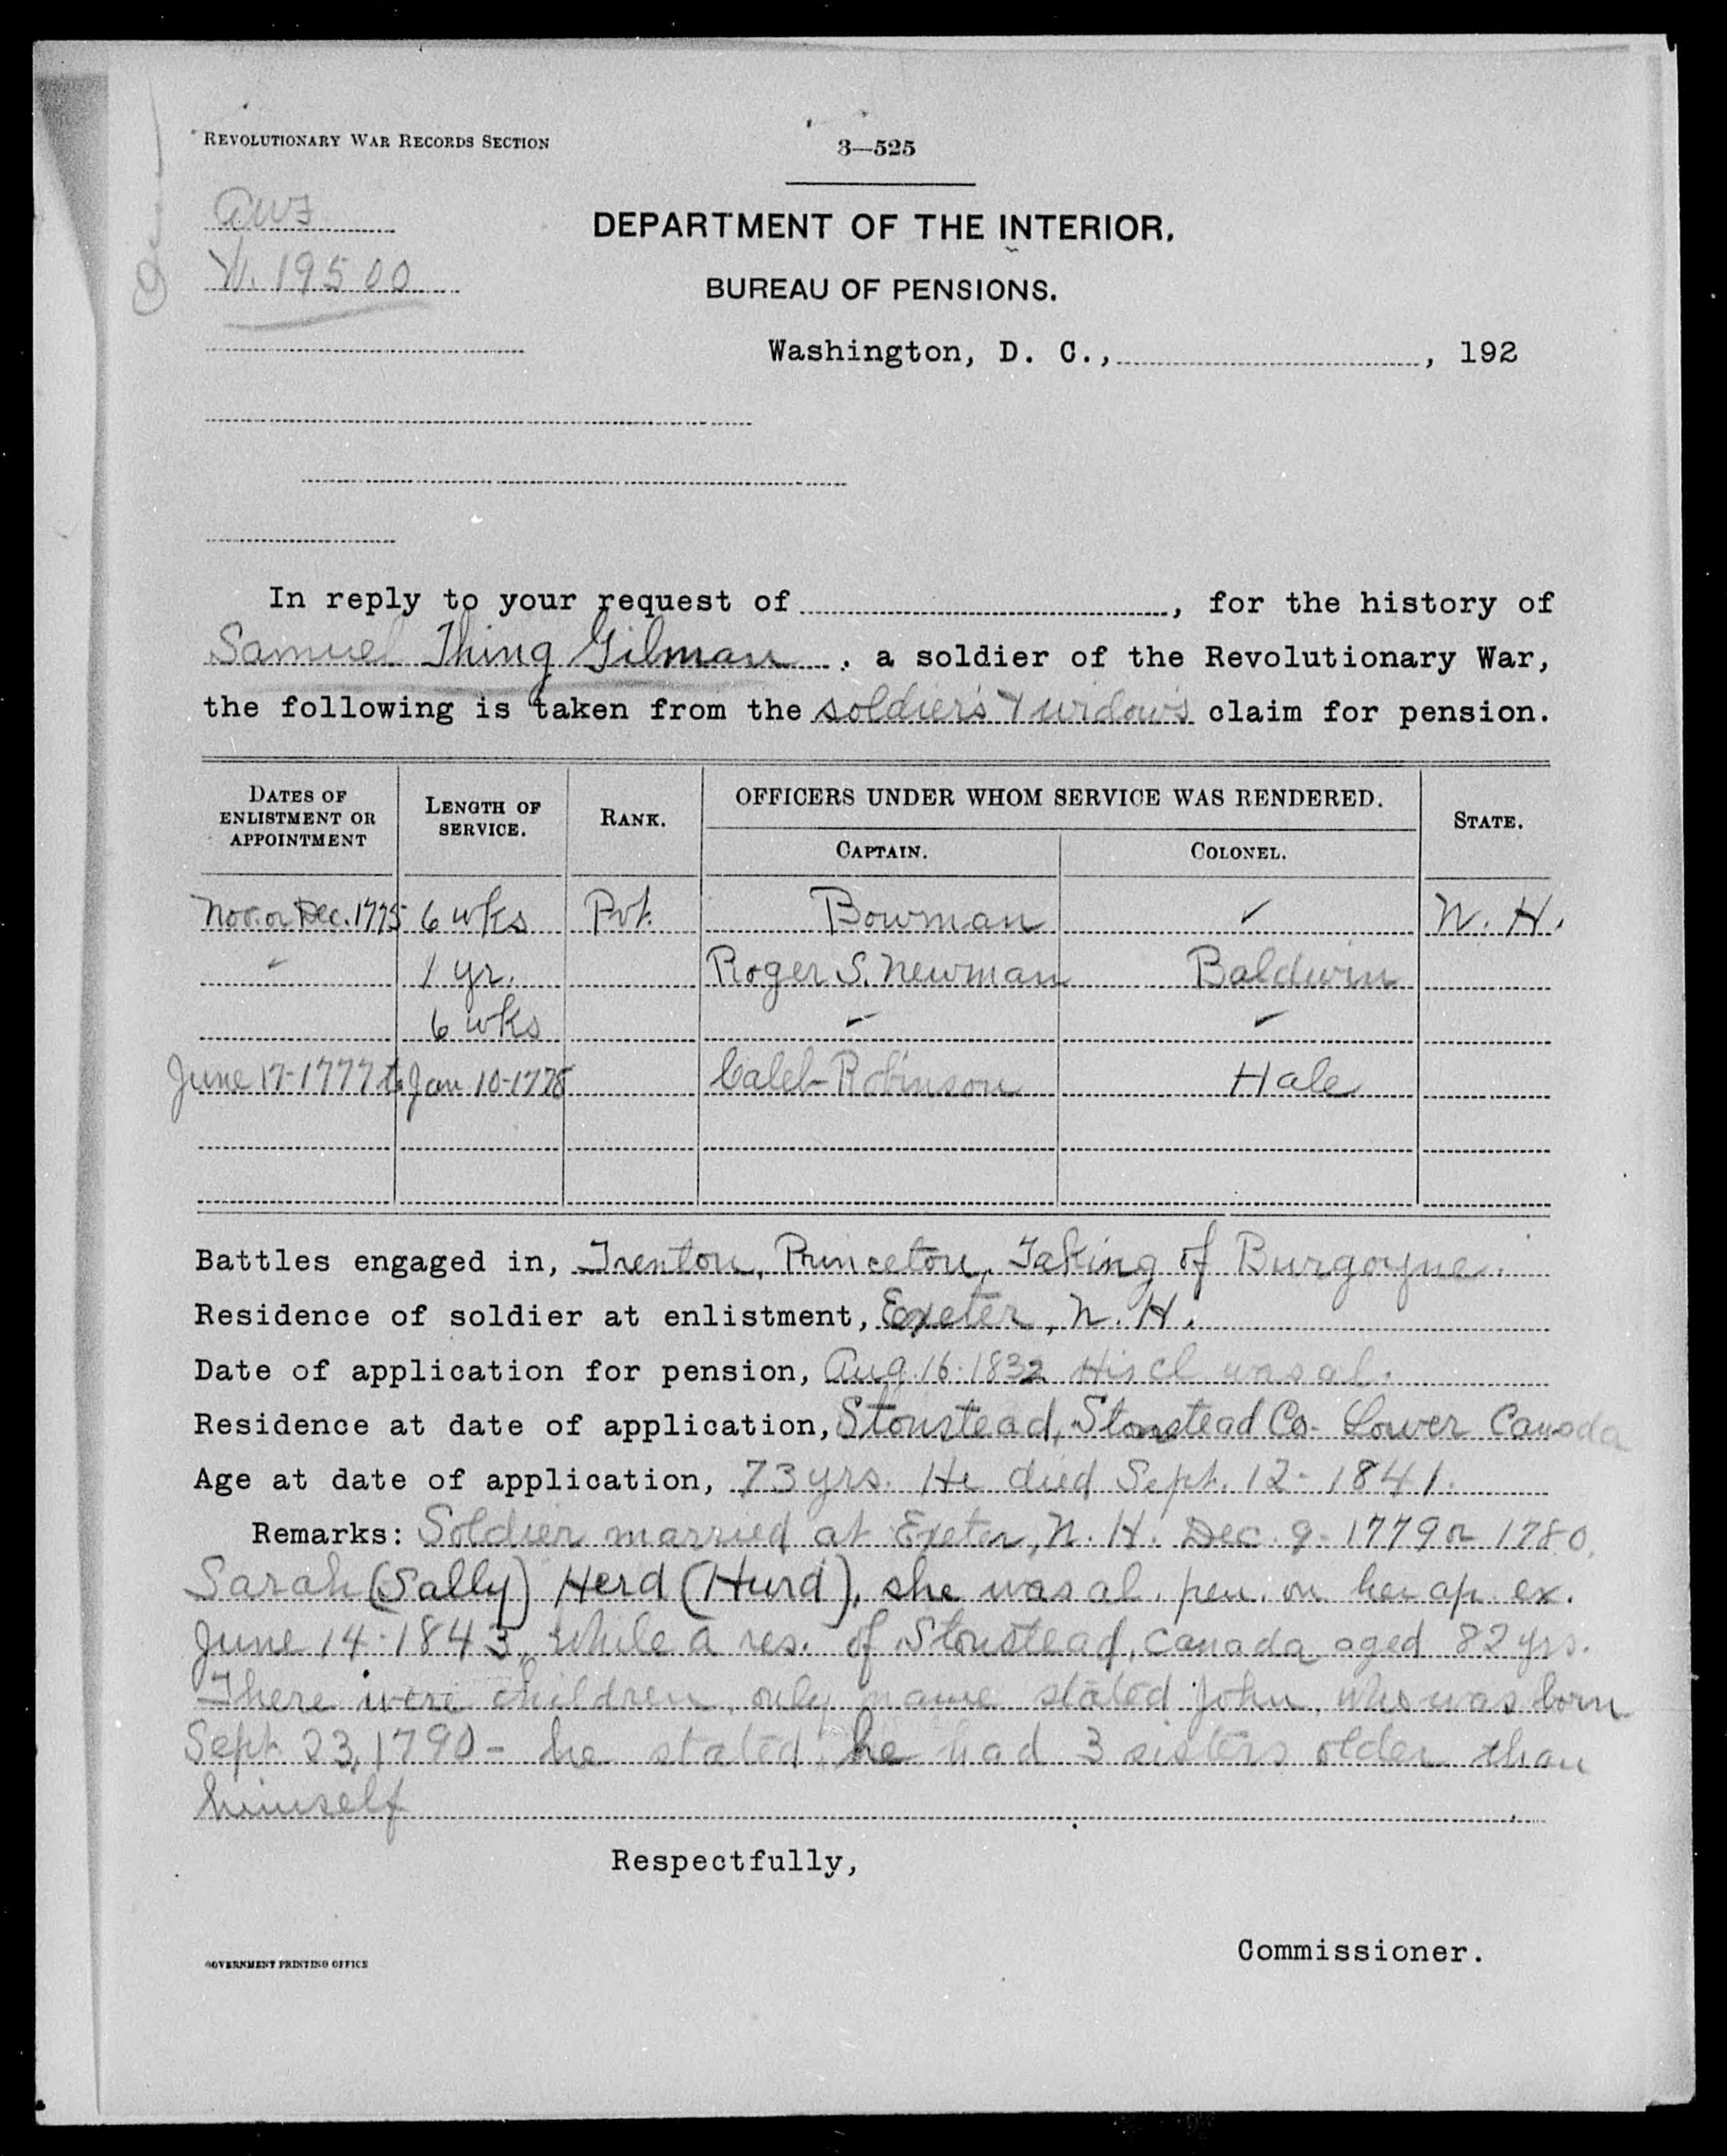REVOLUTIONARY WAR RECORDS SECTION
3-525
DEPARTMENT OF THE INTERIOR,
BUREAU OF PENSIONS.
Washington, D. C., _______, 192
AWS
W. 19500

In reply to your request of _____, for the history of Samuel Thing Gilman, a soldier of the Revolutionary War, the following is taken from the soldier's & widow's claim for pension.
=====
DATES OF ENLISTMENT OR APPOINTMENT | LENGTH OF SERVICE. | RANK. | OFFICERS UNDER WHOM SERVICE WAS RENDERED. | STATE
Nov. or Dec. 1775 | 6 wks | Pvt. | Captain Bowman | N.H.
-- | 1 yr. | -- | Captain Roger S. Newman, Colonel Baldwin | --
-- | 6 wks | == | " " | --
June 17, 1777 to Jan 10, 1778 | -- | -- | Captain Caleb Robinson, Colonel Hale | --

Battles engaged in, Trenton, Princeton, Taking of Burgoyne.
Residence of soldier at enlistment, Exeter, N.H.
Date of application for pension, Aug. 16, 1832 His cl. was al.
Residence at date of application, Stonstead, Stonstead Co., Lower Canada
Age at date of application, 73 years. He died Sept. 12, 1841.
Remarks: Soldier married at Exeter, N.H. Dec. 9, 1779 or 1780. Sarah (Sally) Herd (Hurd), she was al. pen.  on her ap. ex. June 14, 1843, while a res. of Stonstead, Canada aged 82 yrs. There were children, only name stated John who was born Sept. 23, 1790, he stated he had 3 sisters older than himself.
Respectfully,
Commissioner.
GOVERNMENT PRINTING OFFICE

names: Baldwin, Sarah Herd, Sally Hurd, Sarah Hurd, Bowman, Sally Herd, Roger S Newman, Caleb Robinson, Burgoyne, John, Samuel Thing Gilman, Hale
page: 15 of 61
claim: widow's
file: W. 19500, Samuel Thing Gilman, Continental N.H.